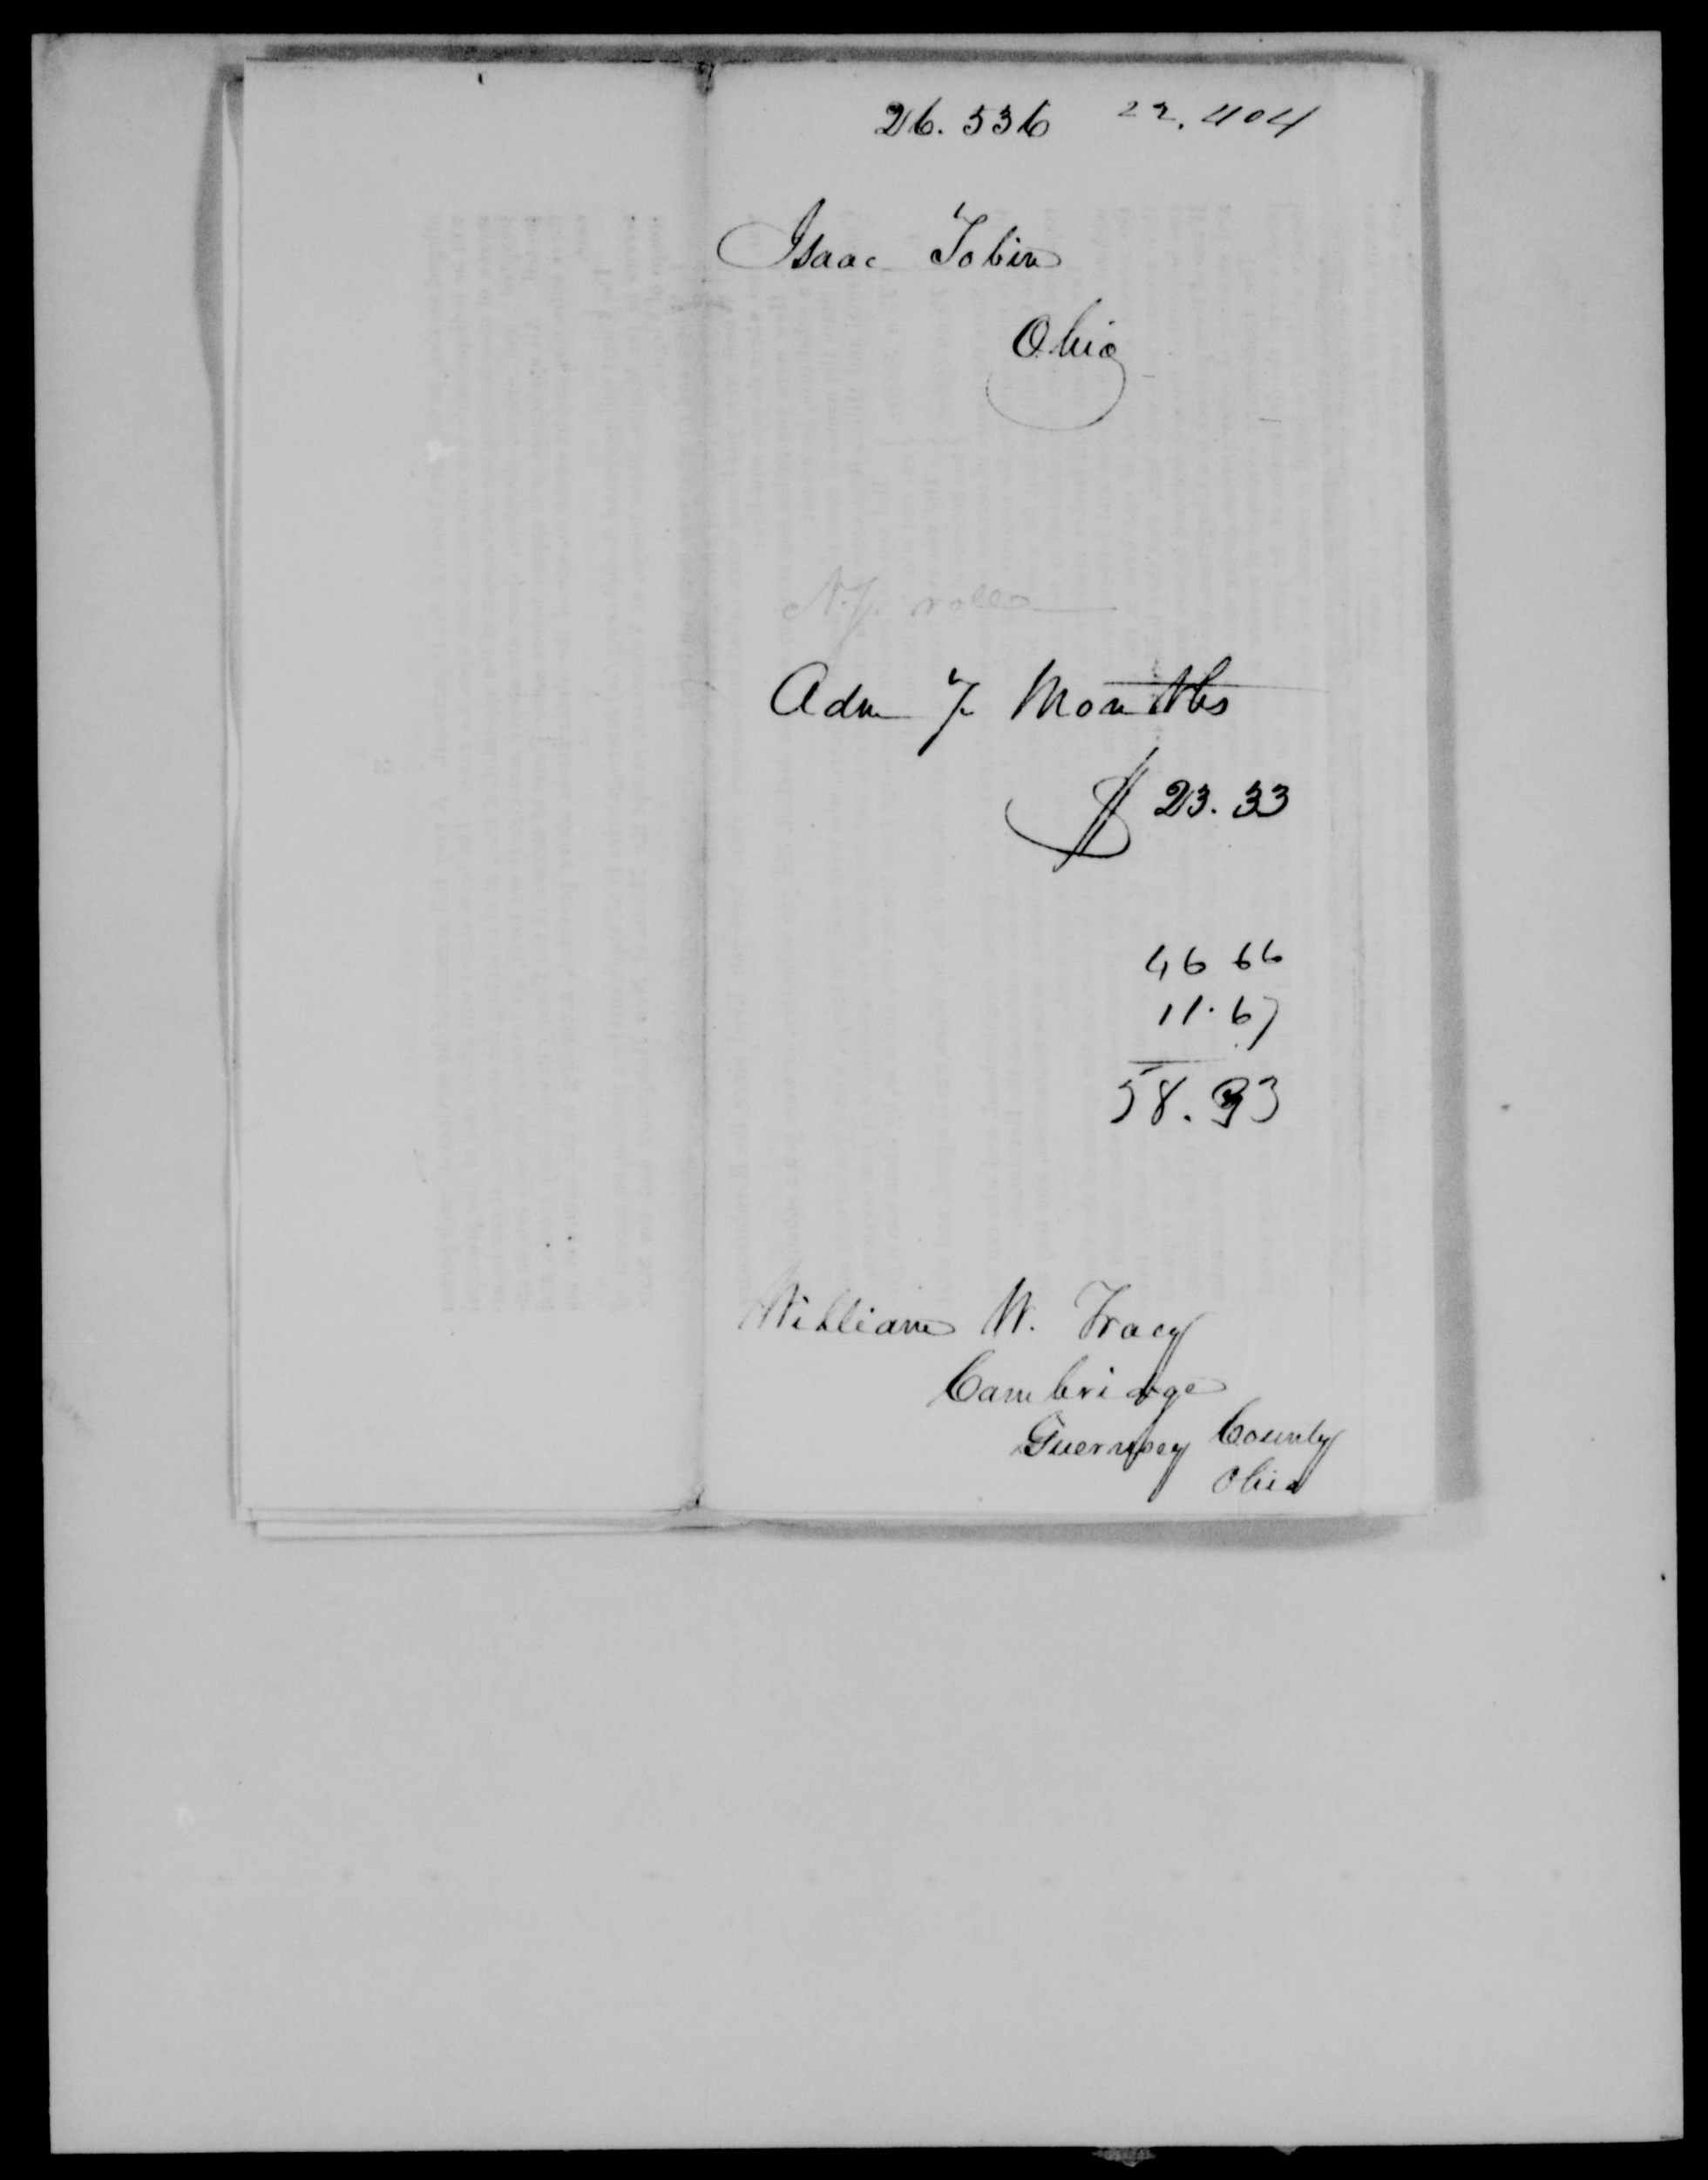26.536 22. 404
Isaac Tobin
Ohio
N.J. roles
Adm 7 Months
$23.33
46.66
11.67
58.33
William W. Tracy
Cambridge
Guernsey County Ohio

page: 3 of 25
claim: survivor's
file: S. 6258, for Isaac Tobin, New Jersey